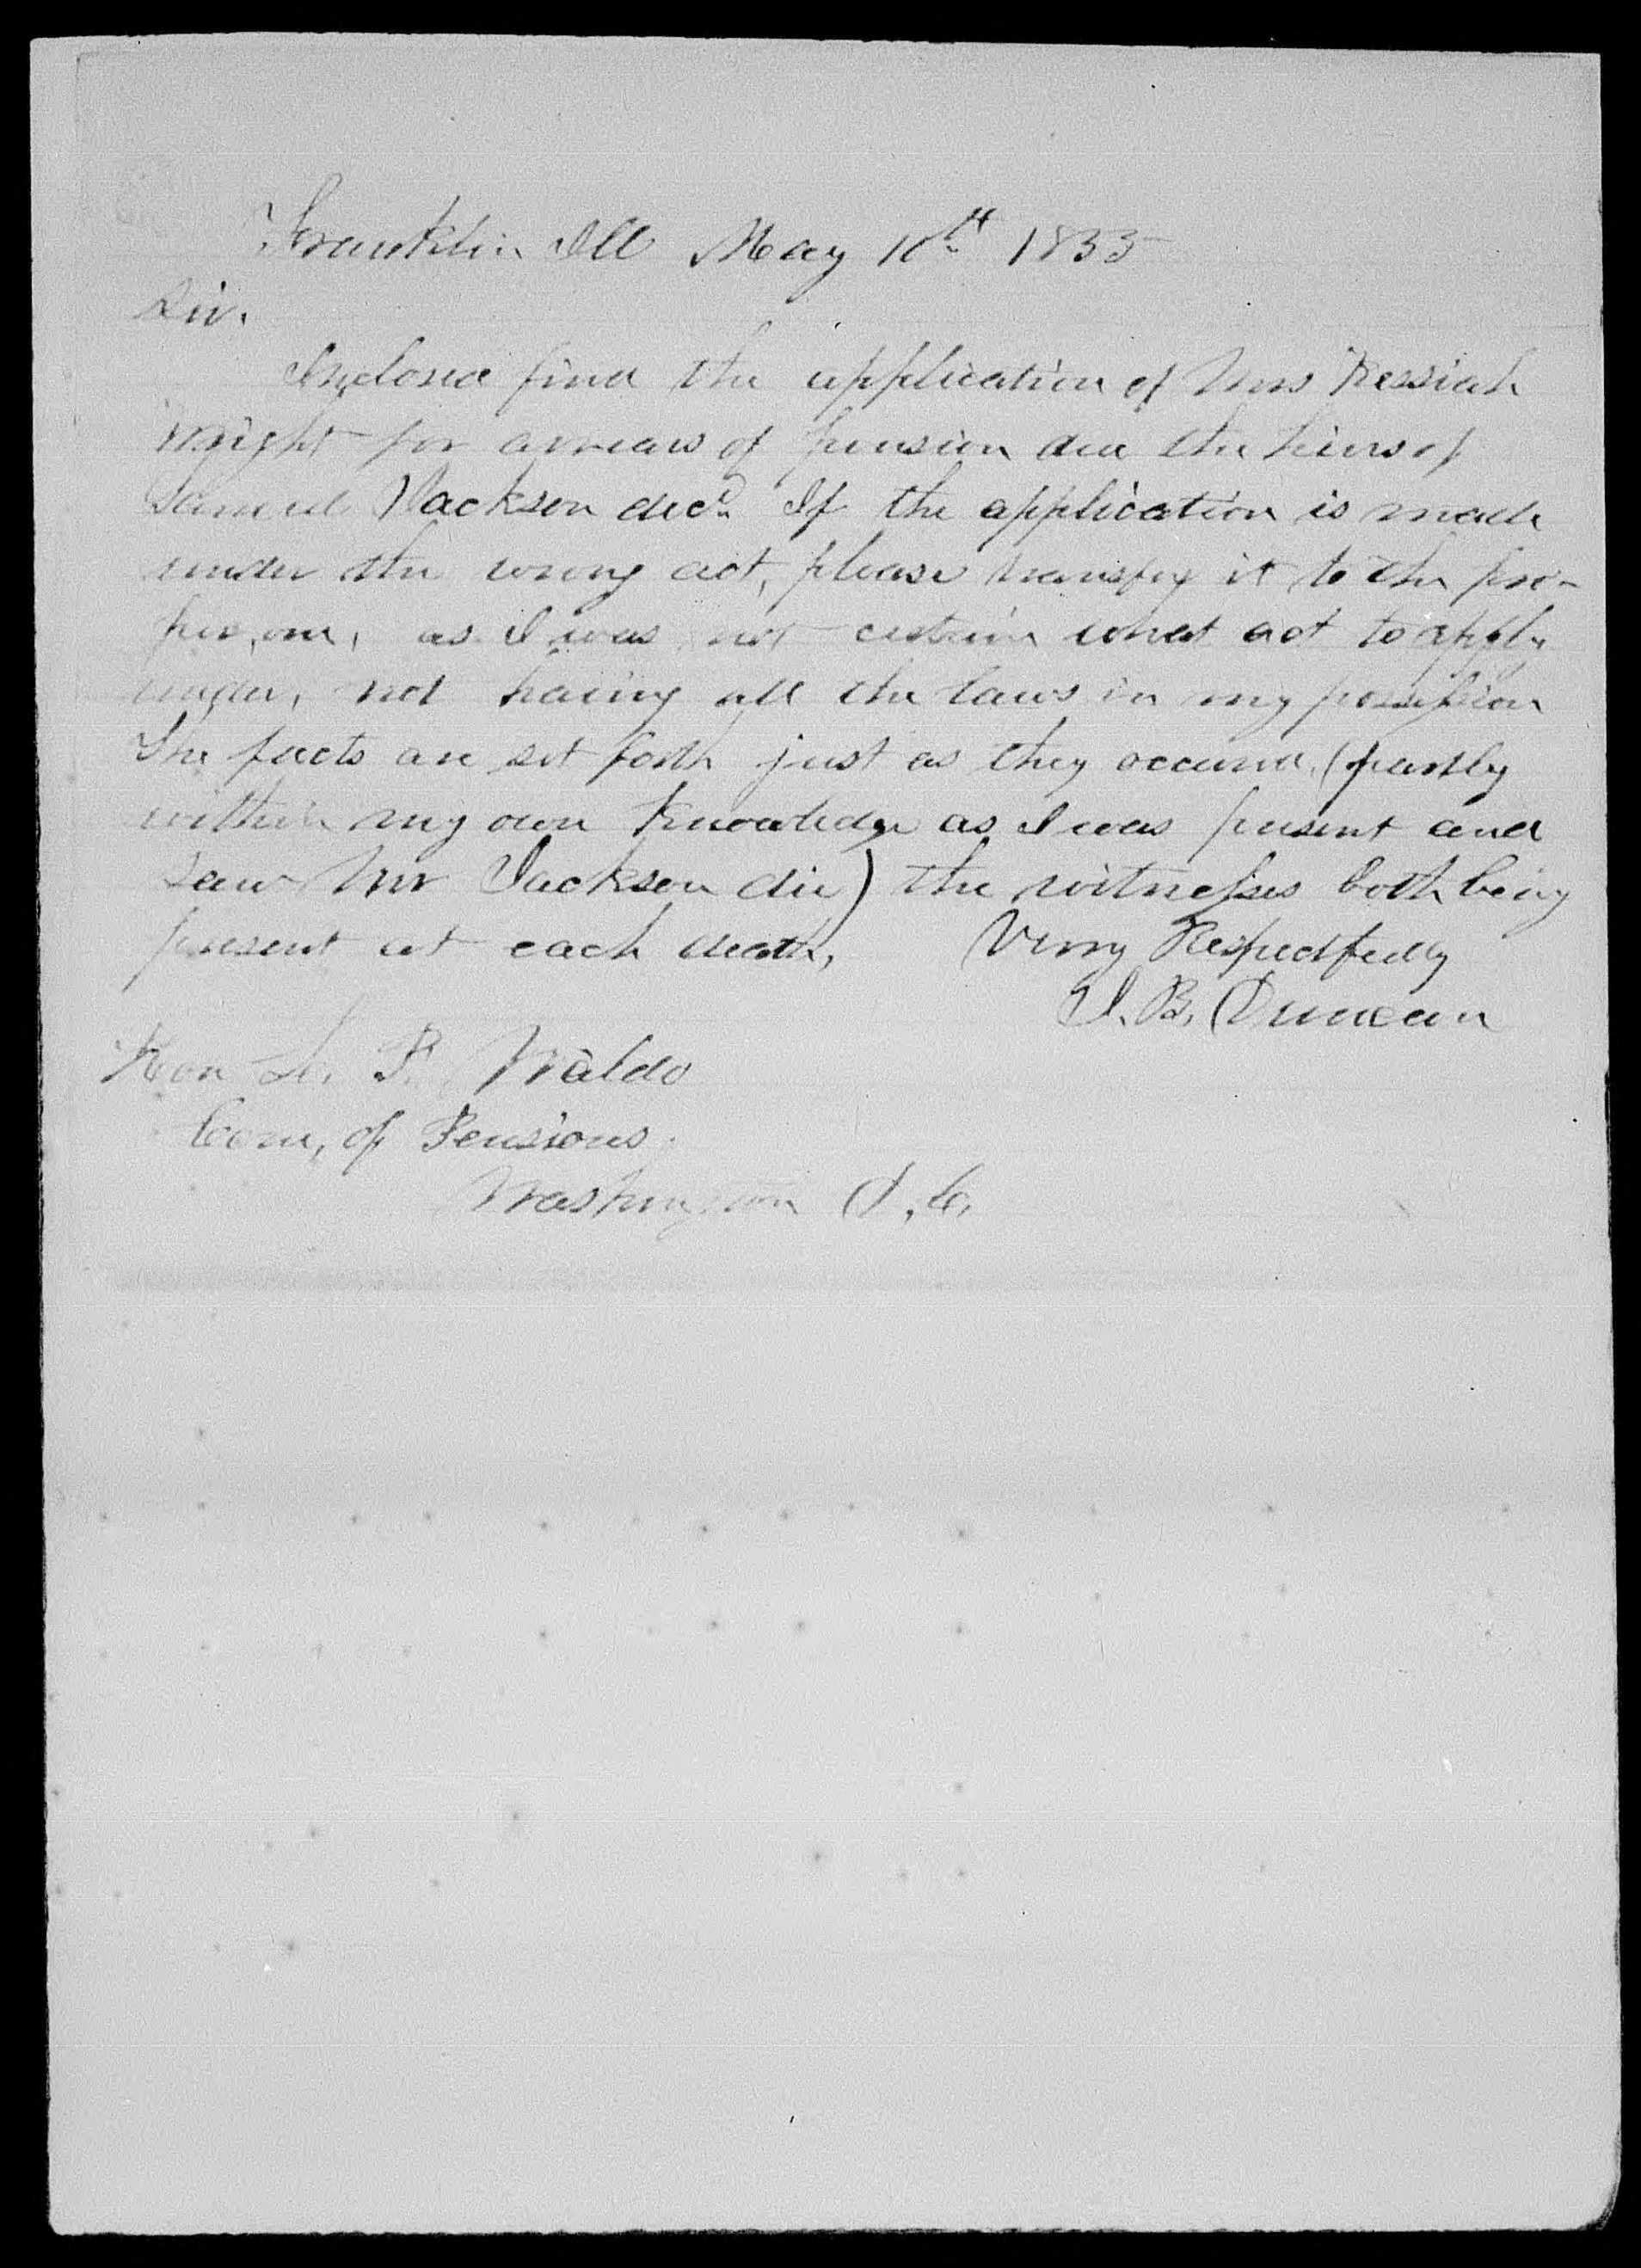Franklin Ill May 10th 1833
Sir,
Inclosed find the application of Mrs Kessiah
Wright for arrears of pension due the heirs of
Samuel Jackson decd If the application is made
under the wrong act, please transfer it to the
proper one, as I was not certain what act to apply
under, not having all the laws in my possession
The facts are set forth just as they occured (partly
within my own knowledge as I was present and
saw Mr Jackson die) the witnesses both being
present at each death,
Very Respectfully
G. B. Duncan

Hon S. P. Waldo
Com of Pensions
Washington D.C.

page: 5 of 56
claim: rejected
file: R 5529, for Samuel Jackson, Virginia